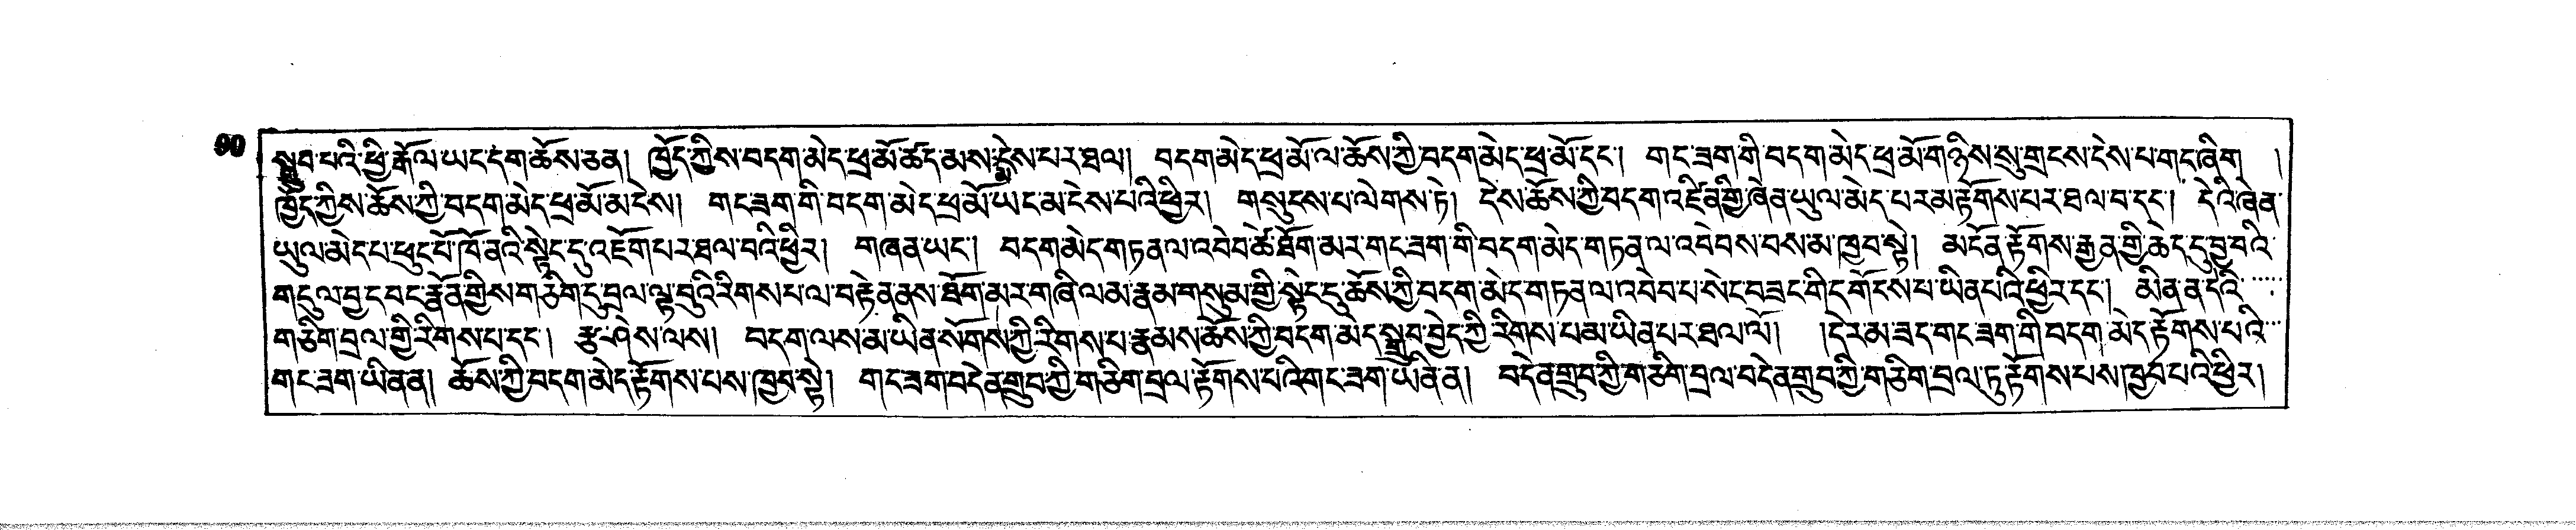སྒྲུབ་པའི་ཕྱི་རྒོལ་ཡང་དག་ཆོས་ཅན། ཁྱོད་ཀྱིས་བདག་མེད་ཕྲ་མོ་ཚད་མས་མ་ངེས་པར་ཐལ། བདག་མེད་ཕྲ་མོ་ལ་ཆོས་ཀྱི་བདག་མེད་ཕྲ་མོ་དང་། གང་ཟག་གི་བདག་མེད་ཕྲ་མོ་གཉིས་སུ་གྲངས་ངེས་པ་གང་ཞིག །
ཁྱོད་ཀྱིས་ཆོས་ཀྱི་བདག་མེད་ཕྲ་མོ་མ་ངེས། གང་ཟག་གི་བདག་མེད་ཕྲ་མོ་ཡང་མ་ངེས་པའི་ཕྱིར། གསུངས་པ་ལེགས་ཏེ། དེས་ཆོས་ཀྱི་བདག་འཛིན་གྱི་ཞེན་ཡུལ་མེད་པར་མ་རྟོགས་པར་ཐལ་བ་དང་། དེའི་ཞེན་
ཡུལ་མེད་པ་ཕུང་པོ་ཁོ་ནའི་སྟེང་དུ་འཇོག་པར་ཐལ་བའི་ཕྱིར། གཞན་ཡང་། བདག་མེད་གཏན་ལ་འབེབ་ཚེ་ཐོག་མར་གང་ཟག་གི་བདག་མེད་གཏན་ལ་འབེབས་བས་མ་ཁྱབ་སྟེ། མངོན་རྟོགས་རྒྱན་གྱི་ཆེད་དུ་བྱ་བའི་
གདུལ་བྱ་དབང་རྣོན་གྱིས་གཅིག་དུ་བྲལ་ལྟ་བུའི་རིགས་པ་ལ་བརྟེན་ནས་ཐོག་མར་གཞི་ལམ་རྣམ་གསུམ་གྱི་སྟེང་དུ་ཆོས་ཀྱི་བདག་མེད་གཏན་ལ་འབེབ་པ་སེང་བཟང་གི་དགོངས་པ་ཡིན་པའི་ཕྱིར་དང་། མིན་ན་དེའི་
གཅིག་བྲལ་གྱི་རིགས་པ་དང་། རྩ་ཤེས་ལས། བདག་ལས་མ་ཡིན་སོགས་ཀྱི་རིགས་པ་རྣམས་ཆོས་ཀྱི་བདག་མེད་སྒྲུབ་བྱེད་ཀྱི་རིགས་པམ་ཡིན་པར་ཐལ་ལོ། །དེར་མ་ཟད་གང་ཟག་གི་བདག་མེད་རྟོགས་པའི་
གང་ཟག་ཡིན་ན། ཆོས་ཀྱི་བདག་མེད་རྟོགས་པས་ཁྱབ་སྟེ། གང་ཟག་བདེན་གྲུབ་ཀྱི་གཅིག་བྲལ་རྟོགས་པའི་གང་ཟག་ཡིན་ན། བདེན་གྲུབ་ཀྱི་གཅིག་བྲལ་བདེན་གྲུབ་ཀྱི་གཅིག་བྲལ་ཏུ་རྟོགས་པས་ཁྱབ་པའི་ཕྱིར།